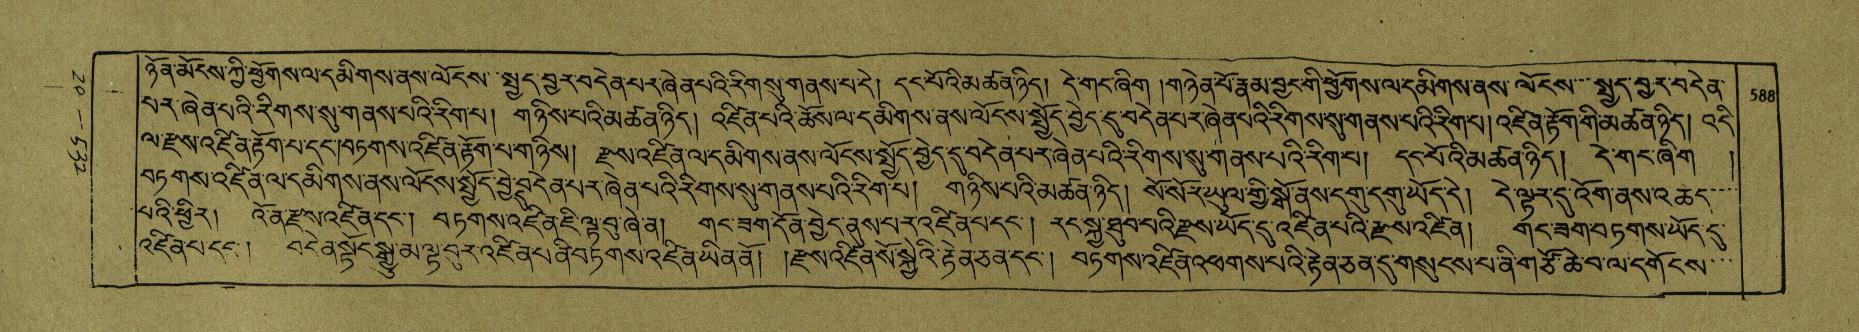ཉོན་མོངས་ཀྱི་ཕྱོགས་ལ་དམིགས་ནས་ལོངས་སྤྱད་བྱ་བདེན་པར་ཞེན་པའི་རིག་སུ་གནས་པ་དེ། དང་པོའི་མཚན་ཉིད། དེ་གང་ཞིག །གཉེན་པོ་རྣམ་བྱང་གི་ཕྱོགས་ལ་དམིགས་ནས་ལོངས་སྤྱད་བྱར་བདེན་
པར་ཞེན་པའི་རིགས་སུ་གནས་པའི་རིག་པ། གཉིས་པའི་མཚན་ཉིད། འཛིན་པའི་ཆོས་ལ་དམིགས་ནས་ལོངས་སྤྱོད་བྱེད་དུ་བདེན་པར་ཞེན་པའི་རིགས་སུ་གནས་པའི་རིག་པ། འཛིན་རྟོག་གི་མཚན་ཉིད། འདི་
ལ་རྫས་འཛིན་རྟོག་པ་དང་། བཏགས་འཛིན་རྟོག་པ་གཉིས། རྫས་འཛིན་ལ་དམིགས་ནས་ལོངས་སྤྱོད་བྱེད་དུ་བདེན་པར་ཞེན་པའི་རིགས་སུ་གནས་པའི་རིག་པ། དང་པོའི་མཚན་ཉིད། དེ་གང་ཞིག །
བཏགས་འཛིན་ལ་དམིགས་ནས་ལོངས་སྤྱོད་བྱེ་དུ་བདེན་པར་ཞེན་པའི་རིགས་སུ་གནས་པའི་རིག་པ། གཉིས་པའི་མཚན་ཉིད། སོ་སོར་ཡུལ་གྱི་སྒོ་ནས་དགུ་དགུ་ཡོད་དེ། དེ་ལྟར་དུ་འོག་ནས་འཆད་
པའི་ཕྱིར། འོ་ན་རྫས་འཛིན་དང་། བཏགས་འཛིན་ཇི་ལྟ་བུ་ཞེ་ན། གང་ཟག་དོན་བྱེད་ནུས་པར་འཛིན་པ་དང་། རང་སྐྱ་ཐུབ་པའི་རྫས་ཡོད་དུ་འཛིན་པའི་རྫས་འཛིན། གང་ཟག་བཏགས་ཡོད་དུ་
འཛིན་པ་དང་། བདེན་སྟོང་སྒྱུ་མ་ལྟ་བུར་འཛིན་པ་ནི་བཏགས་འཛིན་ཡིན་ནོ། །རྫས་འཛིན་སོ་སྐྱེའི་རྟེན་ཅན་དང་། བཏགས་འཛིན་འཕགས་པའི་རྟེན་ཅན་དུ་གསུངས་པ་ནི་གཙོ་ཆེ་བ་ལ་དགོངས་